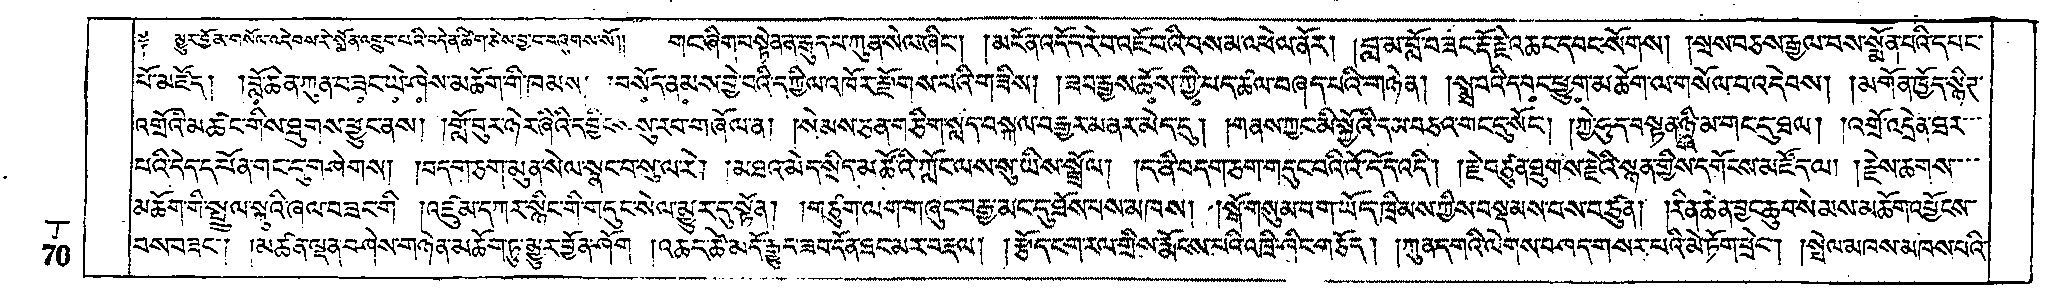འ་མྱུར་བྱོན་གསོལ་འདེབས་རེ་སྨོན་འགྲུབ་པའི་བདེན་ཚིག་ཅེས་བྱ་བ་བཞུགས་སོ།། གང་ཞིག་བསྟེན་ན་རྒུད་པ་ཀུན་སེལ་ཞིང་། །མངོན་འདོད་རེ་བ་འཇོ་བའི་བསམ་འཕེལ་ནོར། །བླ་མ་བློ་བཟང་རྡོ་རྗེ་འཆང་དབང་སོགས། །སྨྲས་བཅས་རྒྱལ་བས་སྨོན་པའི་དབང་
པོ་མཛོད། །བློ྾་ཆེན་ཀུན་བཟང྾་ཡེ྾་ཤེས྾་མཆོག་གི་ཁམས། །བསོད྾་ནམས྾་བྱེ་བའི་དཀྱིལ་འཁོར་རྫོགས་པའི་གཟིས། །ཟབ་རྒྱས་ཆོས྾་ཀྱི྾་པད་ཚལ་བཞད་པའི་གཉེན། །སྨྲ་བའི་དབང྾་ཕྱུག྾་མཆོག་ལ་གསོལ་བ་འདེབས། །མགོན་ཁྱོད་སྙིཌ་
འགྲོའི་མཚང་གིས་ཐུགས་ཕྱུང་ནས། །གློ་བུར་ཉེར་ཞིའི་དབྱིངས་སུ་རབ་གཞོལ་ན། །སེམས་ཅན་གཅིག་སླད་བསྐལ་བརྒྱར་མནར་མེད་དུ། །གནས་ཀྱང་མི་སྐྱོའི་དམ་བཅའ་གང་དུ་སོང་། །ཀྱེ་ཧུད་བསྟན་པའི་ཉི་མ་གང་དུ་ཐལ། །འགྲོ་འདྲེན་ཐར་་་
པའི་དེད་དཔོན་གང་དུ་གཤེགས། །བདག་ཅག་མུན་སེལ་སྣང་བ་སུ་ལ་རེ། །མཐའ་མེད་སྲིད་མཚོའི་ཀློང་ལས་སུ་ཡིས་སྒྲོལ། །ད་ནི་བདག་ཅག་གདུང་བའི་འོ་དོད་འདི། །རྗེ་བཙུན་ཐུགས་རྗེའི་སྙན་གྱིས་དགོངས་མཛོད་ལ། །རྗེས་ཆགས་་་
མཆོག་གི་སྤྲུལ་སྐུའི་ཞལ་བཟང་གི །འཛུམ་དཀར་སྙིང་གི་གདུང་སེལ་མྱུར་དུ་སྟོན། །གཙུག་ལག་གཞུང་བརྒྱ་མང་དུ་ཐོས་པས་མཁས། །སྒོ་གསུམ་བག་ཡོད་ཁྲིམས་ཀྱིས་བསྡམས་པས་བཙུན། །རིན་ཆེན་བྱང་ཆུབ་སེམས་མཆོག་འབྱོངྶ་་་
བས་བཟང་། །མཚན་ལྡན་བཤེས་གཉེན་མཆོག་ཏུ་མྱུར་བྱོན་ཤོག །འཆད་ཚེ་མདོ་རྒྱུད་ཟབ་དོན་ཐང་མར་བརྡལ། །རྩོད་ངག་རལ་གྲིས་རྨོངས་པའི་འཁྲི་ཤིང་གཅོད། །ཀུན་དགའི་ལེགས་བཤད་གསར་པའི་མེ་ཏོག་ཕྲེང་། །སྤེལ་མཁས་མཁས་པའི་